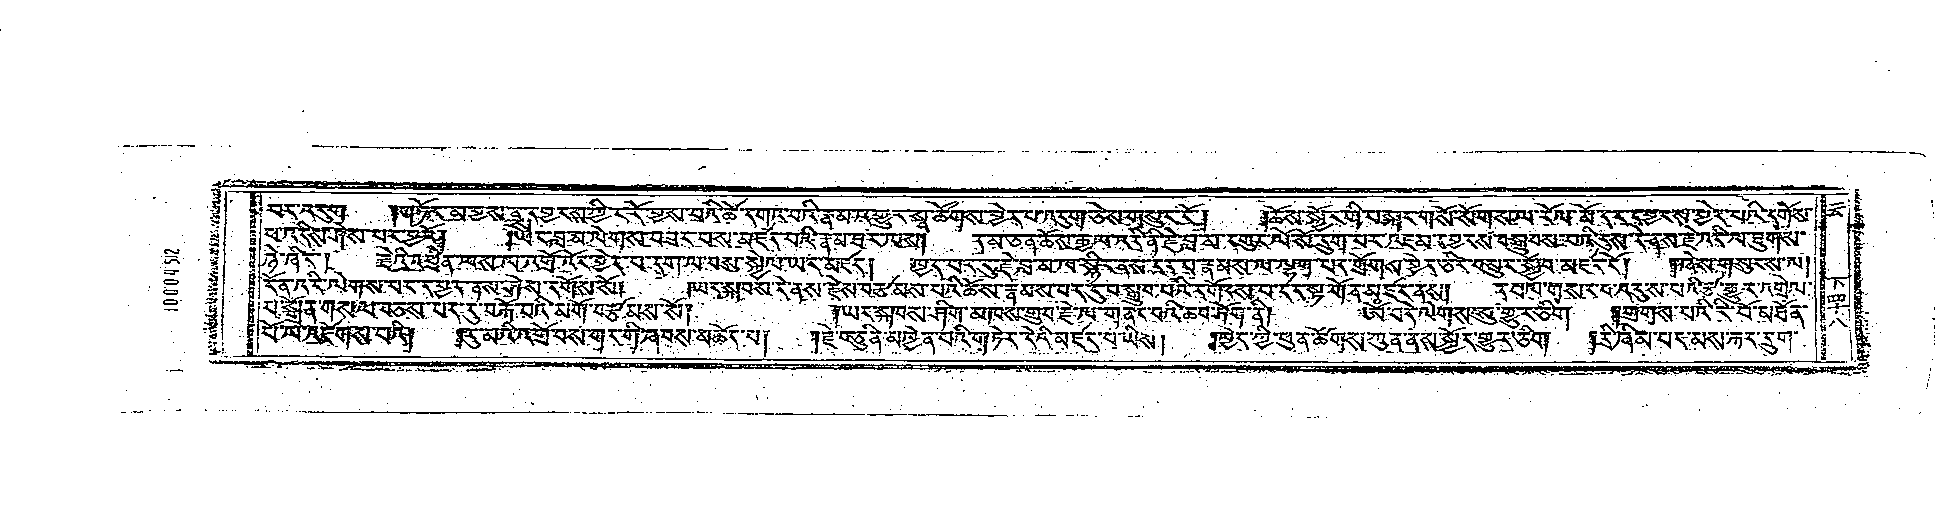པར་འདུག །གཏོར་མ་བྱས་ནས་དབྱངས་ཀྱི་ང་རོ་བྱས་པའི་ཚེ་དགའ་བའི་རྣམ་འགྱུར་སྣ་ཚོགས་བྱེད་པ་འདུག་ཅེས་གསུང་ངོ། །ཆོས་སྐྱོང་གི་བསྐང་གསོ་སོགས་ལ་རོལ་མོ་དང་དབྱངས་བྱེད་པའི་དགོས་
པ་འདིས་ཤེས་པར་བྱའོ། །ཡང་བླ་མ་ལེགས་བཟང་པས་མཛད་པའི་རྣམ་ཐར་ལས། དམ་ཅན་ཆོས་རྒྱལ་འདི་ནི་རྗེ་བླ་མ་དགུང་ལོ་སོ་དྲུག་པར་འཇམ་དབྱངས་བསྒྲུབས་པའི་དུས་དེ་ནས་རྗེ་འདི་ལ་ཐུགས་
ཉེ་ཞིང་། རྗེའི་འཕྲིན་ལས་ལ་འགྲོ་འོང་བྱེད་པ་དག་ལ་བསུ་སྐྱེལ་ཡང་མཛད། ཁྱད་པར་དུ་རྗེ་བླ་མ་ལ་སྙིང་ནས་དད་པ་རྣམས་ལ་ལྷག་པར་གྲོགས་བྱེད་ཅིང་བསྲུང་སྐྱོབ་མཛད་དོ། །ཞེས་གསུངས་ལ།
དོན་འདི་ལེགས་པར་དཔྱད་ནས་ཤེས་དགོས་སོ། །ཡང་སྐབས་དེ་ནས་རྗེས་བརྩམས་པའི་ཆོས་རྣམས་པར་དུ་བསྒྲུབ་པའི་དགོངས་པ་དང་སྟ་གོན་མཛད་ནས། དཔལ་གསང་བ་འདུས་པའི་རྩ་རྒྱུད་འགྲེལ་
པ་སྒྲོན་གསལ་བཅས་པར་དུ་བརྐོ་བའི་མགོ་བརྩམས་སོ། །ཡང་སྐབས་ཤིག་མཁས་གྲུབ་རྗེ་ལ་གནང་བའི་ཆབ་ཤོག་ནི། ཨོཾ་བདེ་ལེགས་སུ་གྱུར་ཅིག །གྲགས་པའི་རི་བོ་མཐོན་
པོ་ལ་འཇོགས་པའི། །དུ་མའི་འགྲོ་བས་གང་གི་ཞབས་མཆོད་པ། །རྗེ་བཙུན་མཁྱེན་པའི་གཏེར་དེའི་མཛད་པ་ཡིས། །ཁྱེད་ཀྱི་ཕུན་ཚོགས་ཀུན་ནས་སྐྱོང་གྱུར་ཅིག །དྲི་ཞིམ་པང་མས་རྐང་དྲུག་